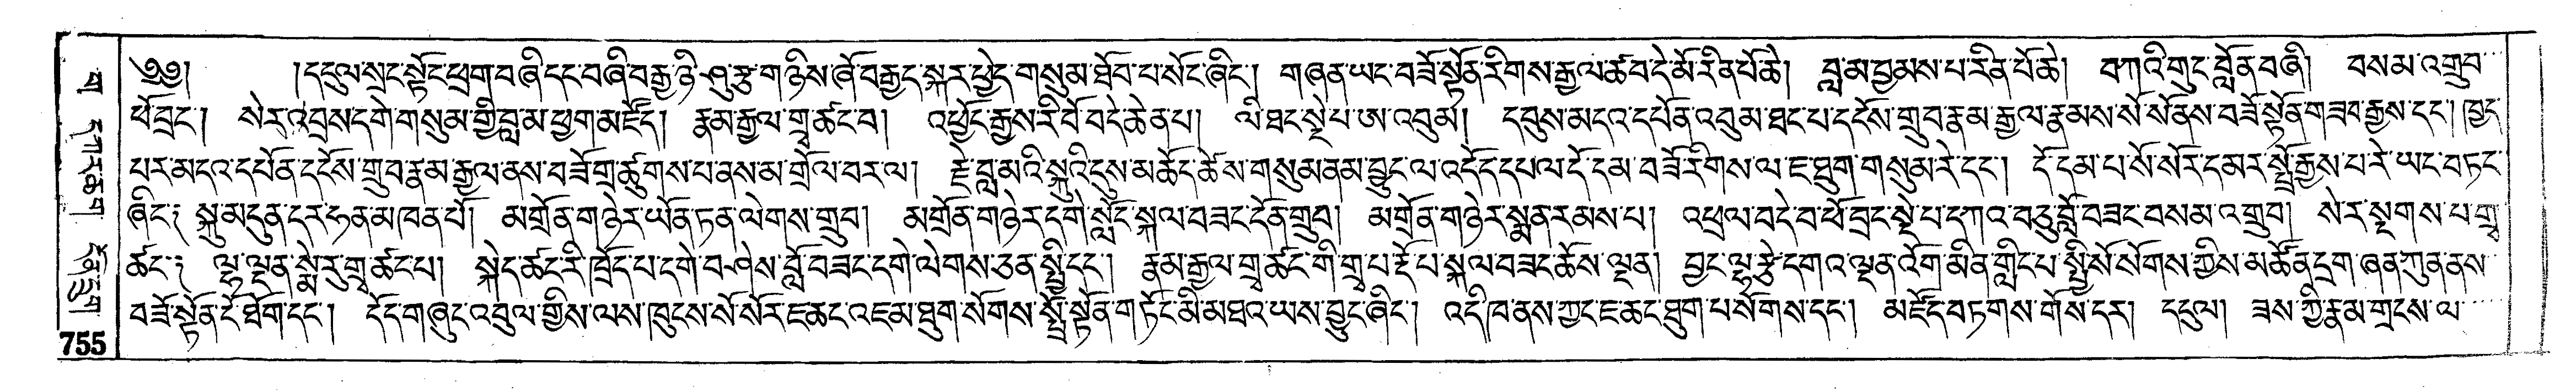༄༅། །དངུལ་སྲང་སྟོང་ཕྲག་བཞི་དང་བཞི་བརྒྱ་ཉི་ཤུ་རྩ་གཉིས་ཞོ་བརྒྱད་སྐར་ཕྱེད་གསུམ་ཐོབ་པ་སོང་ཞིང་། གཞན་ཡང་བཟོ་སྟོན་རིགས་རྒྱལ་ཚབ་དེ་མོ་རིན་པོ་ཆེ། བླ་མ་བྱམས་པ་རིན་པོ་ཆེ། བཀའི་གུང་བློན་བཞི། བསམ་འགྲུབ་
ཕོ་བྲང་། སེར་འབྲས་དགེ་གསུམ་གྱི་བླ་མ་ཕྱག་མཛོད། རྣམ་རྒྱལ་གྲྭ་ཚང་པ། འཕྱོང་རྒྱས་རི་བོ་བདེ་ཆེན་པ། ལི་ཐང་སྡེ་པ་ཨ་འབུམ། དབུས་མདའ་དཔོན་འབུམ་ཐང་པ་དངོས་གྲུབ་རྣམ་རྒྱལ་རྣམས་སོ་སོ་ནས་བཟོ་སྟོན་གཟབ་རྒྱས་དང་། ཁྱད་
པར་མདའ་དཔོན་དངོས་གྲུབ་རྣམ་རྒྱལ་ནས་བཟོ་གྲ་ཚུགས་པ་ནས་མ་གྲོལ་བར་ལ། རྗེ་བླ་མའི་སྐུའི་དུས་མཆོད་ཚེས་གསུམ་ནམ་བྱུང་ལ་འདོད་དཔལ་དོ་དམ་བཟོ་རིགས་ལ་ཇ་ཐུག་གསུམ་རེ་དང་། དོ་དམ་པ་སོ་སོར་དམར་སྦྲོ་རྒྱས་པ་རེ་ཡང་བཏང་
ཞིང༑ སྐུ་མདུན་དར་ཧན་མཁན་པོ། མགྲོན་གཉེར་ཡོན་ཏན་ལེགས་གྲུབ། མགྲོན་གཉེར་དགེ་སློང་སྐལ་བཟང་དོན་གྲུབ། མགྲོན་གཉེར་སྨན་རམས་པ། འཕྲལ་བདེ་བ་ཕོ་བྲང་སྡེ་བ་དཀའ་བཅུ་བློ་བཟང་བསམ་འགྲུབ། སེར་སྔགས་བ་གྲྭ་
ཚང༑ ལྷ་ལྡན་སྨེ་རུ་གྲྭ་ཚང་པ། སྐེད་ཚང་རི་ཁྲོད་པ་དགེ་བཤེས་བློ་བཟང་དགེ་ལེགས་ཅན་སྤྱི་དང་། རྣམ་རྒྱལ་གྲྭ་ཚང་གི་གྲྭ་པ་རྡོ་པ་སྐལ་བཟང་ཆོས་ལྡན། བྱང་ལྷ་རྩེ་དགའ་ལྡན་འོག་མིན་གླིང་པ་སྤྱི་སོ་སོགས་ཀྱིས་མཚོན་དྲག་ཞན་ཀུན་ནས་
བཟོ་སྟོན་ངོ་ཐོག་དང་། དོད་གཞུང་འབུལ་གྱིས་ལས་ཁུངས་སོ་སོར་ཇ་ཆང་འཇམ་ཐུག་སོགས་སྤྲོ་སྟོན་གཏོང་མི་མཐའ་ཡས་བྱུང་ཞིང་། འདི་ཁ་ནས་ཀྱང་ཇ་ཆང་ཐུག་བ་སོགས་དང་། མཛོད་བཏགས་གོས་དར། དངུལ། ཟས་ཀྱི་རྣམ་གྲངས་ལ་